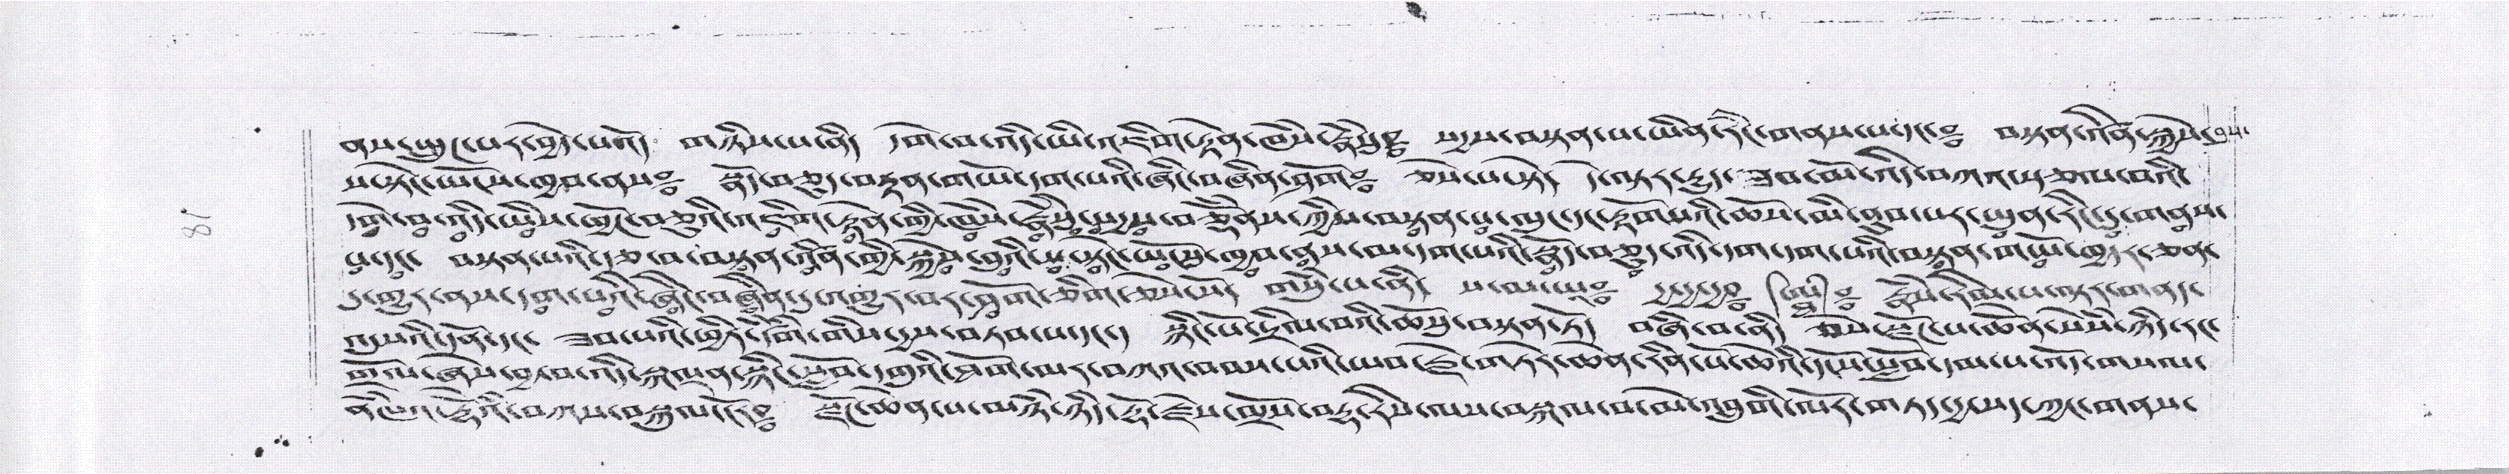ནས་སྤྲུགས་པར་བྱེད་པའོ། གཉིས་པ་ནི། དགེ་བ་འདི་ཡིས་འཇིག་རྟེན་ཁམས་རྣམས་སུཿ སངས་རྒྱས་བསྟན་པ་ཡུན་རིང་གནས་པ་དངཿ བསྟན་འཛིན་སྐྱེས་བུ་
ས་སྟེང་ཡོངས་ཁྱབ་ནསཿ སྣོད་བཅུད་རྟེན་གཡོ་དག་པའི་ཞིང་བཞིན་ཤོགཿ ཅེས་པ་སྟེ། རྒྱུད་ཟབ་མོ་འདི་བཀའ་སྩལ་པའི་
དགེ་བ་འདི་ཡིས་ཕྱོགས་བཅུའི་འཇིག་རྟེན་གྱི་ཁམས་རྣམས་སུ་སངས་རྒྱས་བཅོམ་ལྡན་འདས་ཀྱི་བསྟན་པ་ལུང་དང་རྟོགས་པའི་ཆོས་མི་ནུབ་པར་ཡུན་རིང་དུ་གནས་
པ་དང་། བསྟན་པའི་རྩ་བ་བསྟན་འཛིན་གྱི་སྐྱེས་བུས་ས་སྟེང་ཡོངས་ཁྱབ་ནས་མ་དག་པའི་སྣོད་བཅུད་འདི་དག་དག་པའི་རྟེན་གཡོ་ཁྱད་པར་ཅན་
དུ་གྱུར་ནས་དག་པའི་ཞིང་བཞིན་དུ་འགྱུར་བར་ཤོག་ཅིག་ཅེས་པའོ། གསུམ་པ་ནི། ས་མ་ཡ༔ རྒྱ་རྒྱ་རྒྱ༔ ༼ཨྠ༽༔ རྣམས་རིམ་པ་ལྟར་གནད་
འདུས་པའི་དོན་དང་། ཟབ་པའི་ཕྱིར་དམ་ཚིག་གིས་རྒྱས་བཏབ་པ་དང་། སྙིང་པོ་དྲིལ་བའི་ཆོས་སུ་བསྟན་ཏོ། བཞི་པ་ནི། ཅེས་རྫོགས་པ་ཆེན་པོ་སེམས་ཉིད་རང་
གྲོལ་ཅེས་བྱ་བ་འདི་སྐལ་ལྡན་སྙིང་སློབ་དགུའི་ཐོག་མར་བཀའ་བབས་པའི་ཡབ་རྗེ་གཏེར་ཆེན་རིན་པོ་ཆེའི་དངོས་སློབ་དམ་པ་འོད་གསལ་
ནམ་མཁའི་རྡོ་རྗེས་བཀས་བསྐུལ་ངོར་རྫོགས་ཆེན་པ་མཉམ་ཉིད་རྡོ་རྗེས་མཁའ་འགྲོའི་བརྡ་རིས་ལས་བསྐལ་པ་མེ་འབྲུག་གི་ལོར་གཏད་རྒྱ་སད་ཀྱང་གནས་